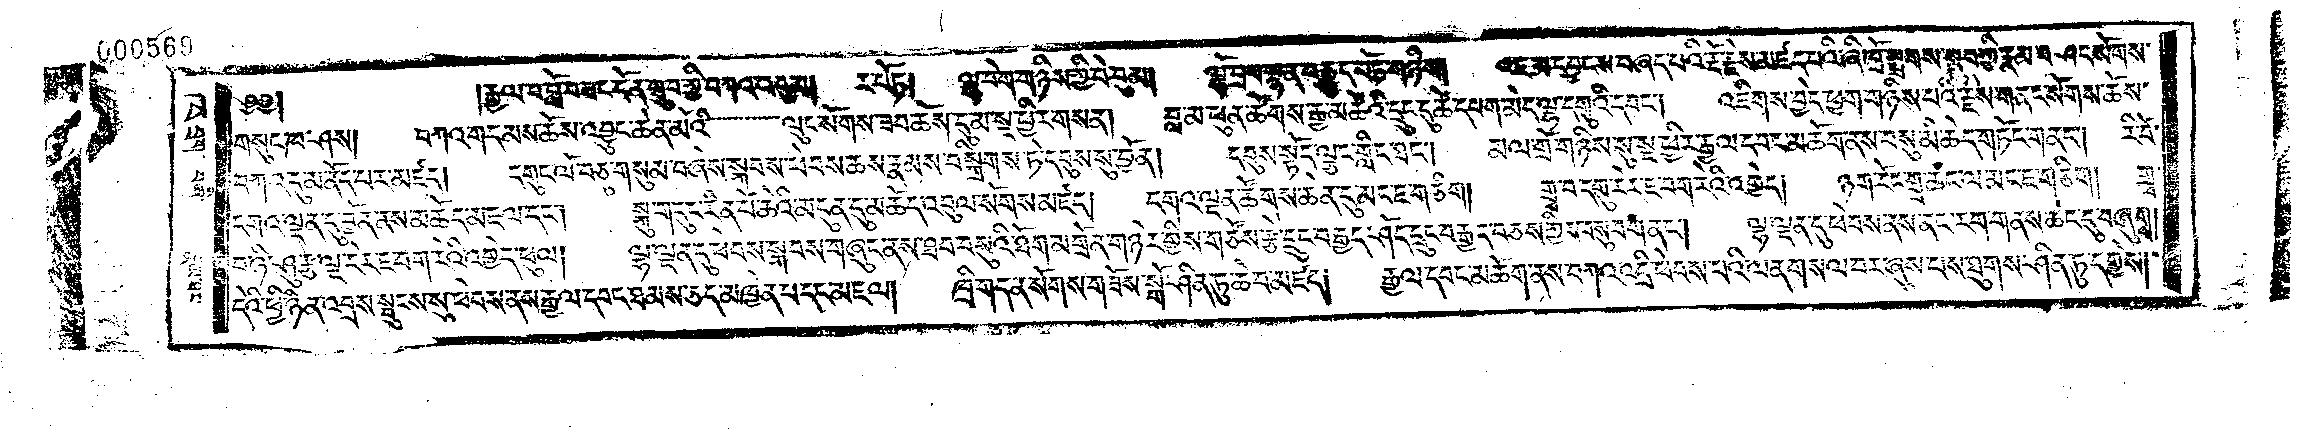༄༅། །རྒྱལ་བ་བློ་བཟང་དོན་གྲུབ་ཀྱི་བཀའ་འབུམ། ར་པོཏ། ལྷ་བེག་གཉིས་ཀྱི་བེ་བུམ། ལྷོ་བྲག་སྙན་བརྒྱུད་པོཏ་གཉིས། འཇམ་དབྱངས་བཞད་པའི་རྡོ་རྗེས་མཛད་པའི་ཞི་ཁྲོ་སྤྲགས་སྒྲུབ་ཀྱི་རྣམ་བཤད་སོགས་
གསུང་ཁ་ཤས། བཀའ་གདམས་ཆོས་འབྱུང་ཆེན་མོའི་ལུང་སོགས་ཟབ་ཆོས་དུ་མ་སྔ་ཕྱིར་གསན། བླ་མ་ཕུན་ཚོགས་རྒྱ་མཚོའི་དྲུང་དུ་ཚེ་དཔག་མེད་ལྷ་དགུའི་དབང་། འཇིགས་བྱེད་ཕྱག་གཉིས་པའི་རྗེས་གནང་སོགས་ཆོས་
བཀའ་དུ་མ་ནོད་པར་མཛད། དགུང་ལོ་བཅུ་གསུམ་བཞེས་སྐབས་ཕེབས་ཆས་རྣམས་བསྒྲིགས་ཏེ་དབུས་སུ་བྱོན། དབུས་སྟོད་ལྕང་གླིང་ཐང་། མལ་གྲོ་གཉིས་སུ་སྔ་ཕྱིར་རྒྱལ་དབང་མཆོག་ནས་བསུ་མི་ཆེད་གཏོང་གནང་། རི་བོ་
དགའ་ལྡན་དུ་བྱོན་ནས་མཆོད་མཇལ་དང་། སྐུ་གདུང་རིན་པོ་ཆེའི་མདུན་དུ་མཆོད་འབུལ་སོགས་མཛད། དགའ་ལྡན་ཚོགས་ཆེན་དུ་མང་ཇ་གཅིག། གྲྭ་བ་དགུ་རེར་ཇ་བག་རེའི་འགྱེད། ཉག་རོང་གྲྭ་ཚང་ལ་མང་ཇ་གཅིག། གྲྭ་
བ་ཉི་ཤུ་རྩ་ལྔ་རེར་ཇ་བག་རེའི་འགྱེད་ཕུལ། ལྷ་ལྡན་དུ་ཕེབས་སྐབས་གཞུང་ནས་ཐབ་བསུའི་ཐོག་མགྲོན་གཉེར་གྱིས་གཙོས་རྩེ་དྲུང་བརྒྱད་ཤོད་དྲུང་བརྒྱད་བཅས་ཀྱིས་བསུབ་གནང་། ལྷ་ལྡན་དུ་ཕེབས་ནས་ནང་རག་གནས་ཚང་དུ་བཞུགས།
དེའི་ཕྱི་ཉིན་འབྲས་སྤུངས་སུ་ཕེབས་ནས་རྒྱལ་དབང་ཐམས་ཅད་མཁྱེན་པ་དང་མཇལ། ཁྲི་གདན་སོགས་གཟོས་སྒོ་ཤིན་ཏུ་ཆེ་བ་མཛད། རྒྱལ་དབང་མཆོག་ནས་བཀའ་འདྲི་ཕེབས་པའི་ལན་གསལ་བར་ཞུས་པས་ཐུགས་ཤིན་ཏུ་དགྱེས།